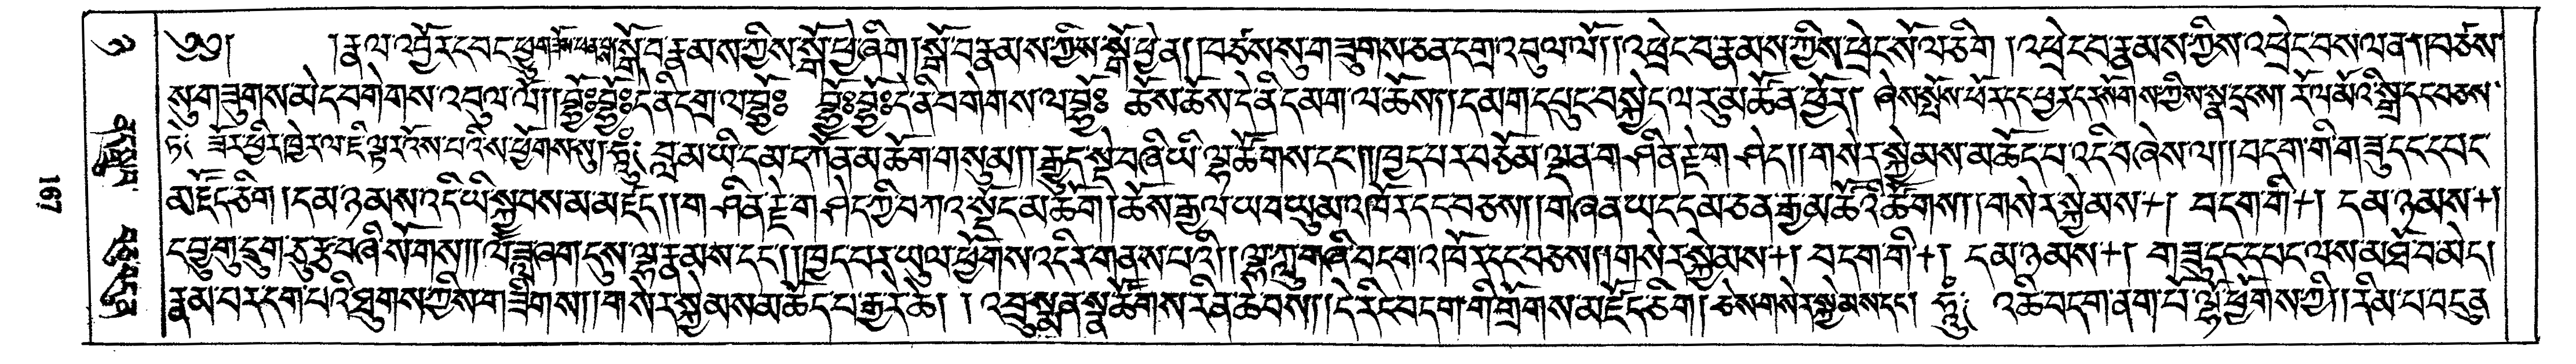༄༅། །རྣལ་འབྱོར་དབང་ཕྱུག་ཟོར་འཕན་སྒོ་བ་རྣམས་ཀྱིས་སྒོ་ཕྱེ་ཞིག། སྒོ་བ་རྣམས་ཀྱིས་སྒོ་ཕྱེ་ན། །བཙས་སུ་གཟུགས་ཅན་དགྲ་འབུལ་ལོ། །འཕྲེང་བ་རྣམས་ཀྱིས་ཕྲེང་སོལ་ཅིག །འཕྲེང་བ་རྣམས་ཀྱིས་འཕྲེང་བསལ་ན། །བཙས་
སུ་གཟུགས་མེད་བགེགས་འབུལ་ལོ། །བྷྱོཿ བྷྱོཿདེ་ནི་དགྲ་ལ་བྷྱོཿ བྷྱོཿ བྷྱོཿ དེ་ནི་བགེགས་ལ་བྷྱོཿ ཆོས་ཆོས་དེ་ནི་དམག་ལ་ཆོས། །དམག་དཔུང་བསྐྱེད་ལ་རུ་མཚོན་ཕྱོར། ཞེས་སྤོས་ཕོར་དང་ཕྱར་དར་སོགས་ཀྱིས་སྣ་དྲངས། རོལ་མོའི་སྒྲ་དང་བཅས་
ཏེ། ཟོར་ཕྱིར་ཁྱེར་ལ་ཇི་ལྟར་འོས་པའི་ས་ཕྱོགས་སུ། ཧཱུཾ། བླ་མ་ཡི་དམ་དཀོན་མཆོག་གསུམ། །རྒྱུད་སྡེ་བཞི་ཡི་ལྷ་ཚོགས་དང་། །ཁྱད་པར་བཅོམ་ལྡན་འདས་གཤིན་རྗེ་གཤེད། །གསེར་སྐྱེམས་མཆོད་བ་འདི་བཞེས་ལ། །བདག་གི་གཟུ་དང་དཔང་
མཛོད་ཅིང་།དམ་ཉམས་འདི་ཡི་སྐྱབས་མ་མཛད། །གཤིན་རྗེ་གཤེད་ཀྱི་བཀའ་སྡོད་མཆོག། །ཆོས་རྒྱལ་ཡབ་ཡུམ་འཁོར་དང་བཅས། །གཞན་ཡང་དམ་ཅན་རྒྱ་མཚོའི་ཚོགས། །གསེར་སྐྱེམས། བདག་གི། དམ་ཉམས།
དབྱུ་གུ་དྲུག་ཅུ་རྩ་བཞི་སོགས། །ལོ་ཟླ་ཞག་དུས་ལྷ་རྣམས་དང་། །ཁྱད་པར་ཡུལ་ཕྱོགས་འདིར་གནས་པའི། །ལྷ་ཀླུ་གཞི་བདག་འཁོར་དང་བཅས། །གསེར་སྐྱེམས། བདག་གི། དམ་ཉམས། གཟུ་དང་དབང་ལས་མཐོ་བ་མེད།།
རྣམ་པར་དག་པའི་ཐུགས་ཀྱིས་གཟིགས། །གསེར་སྐྱེམས་མཆོད་པ་རྒྱ་རེ་ཆེ། །འབྲུ་སྨན་སྣ་ཚོགས་རིན་ཆེ་བས། །དེ་རིང་བདག་གི་གྲོགས་མཛོད་ཅིག། ཅེས་གསེར་སྐྱེམས་དང་། ཧཱུཾ༑ འཆི་བདག་ནག་པོ་ལྷོ་ཕྱོགས་ཀྱི། །རིམ་པ་བདུན་